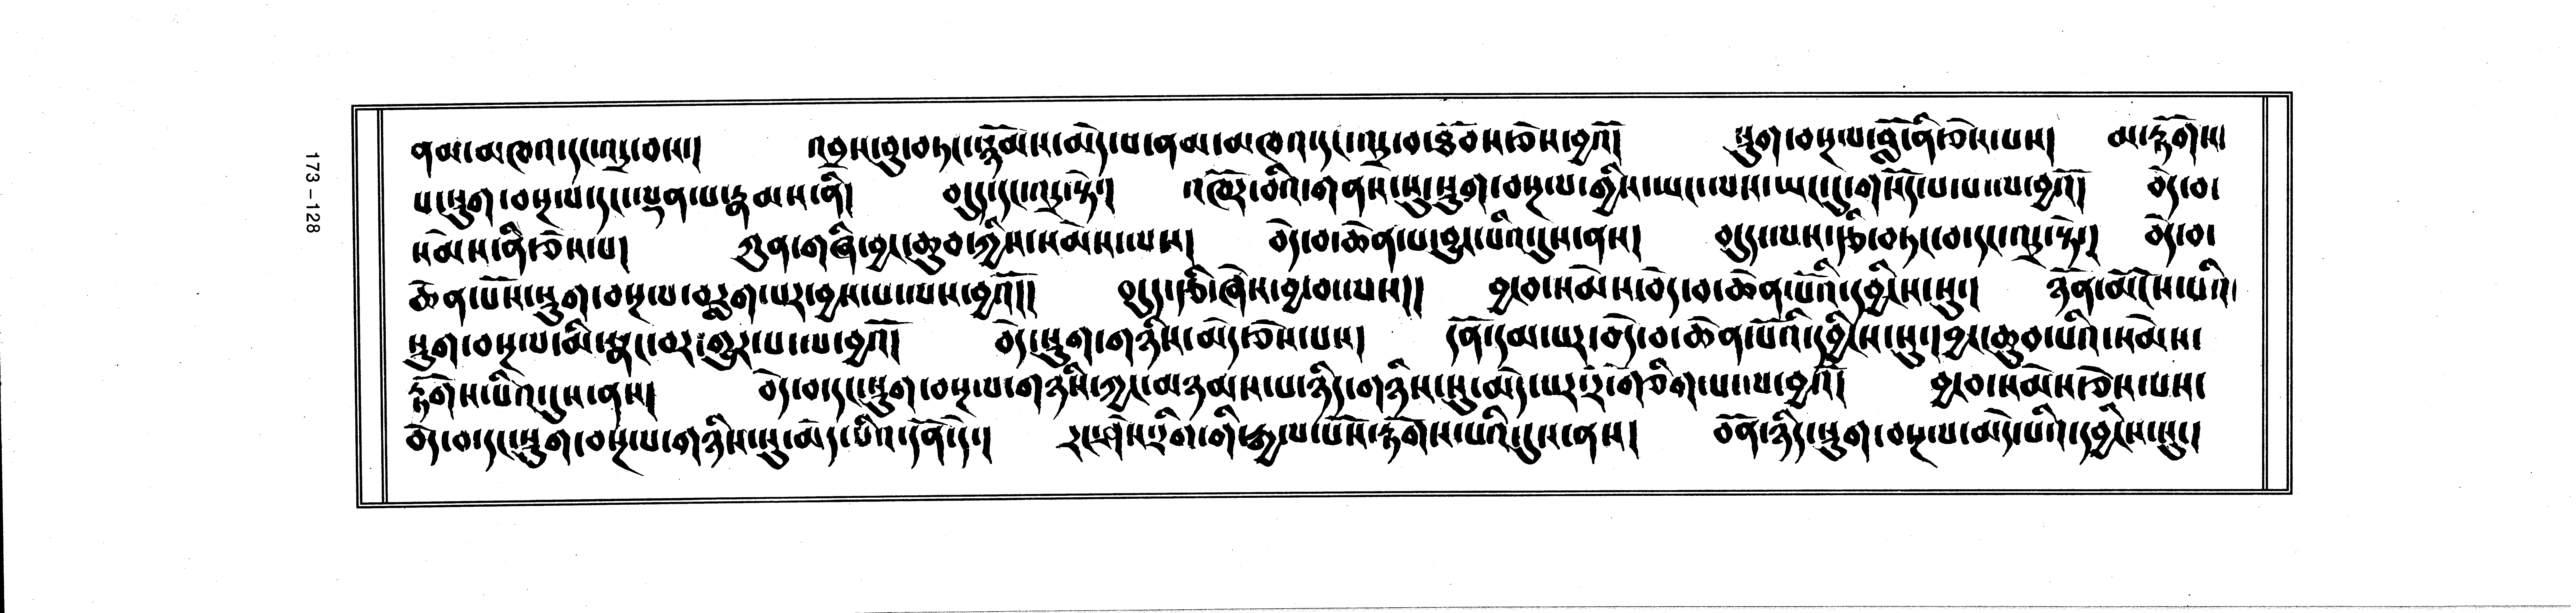ནམ་མཁའ་དང་འདྲ་བས། འབྲས་བུ་བཏང་སྙོམས་མེད་པ་ནམ་མཁའ་དང་འདྲ་བས་ཐོབ་ཅེས་བྱའོ། །སྡུག་བསྔལ་བློ་ནི་ཅེས་པ། མ་རྟོགས་
པ་སྡུག་བསྔལ་དང་ལྡན་པ་རྣམས་ནི། བདུད་དང་འདྲ་སྟེ། འཁོར་བའི་གནས་སུ་སྡུག་བསྔལ་གྱིས་ཡང་དང་ཡང་དུ་གསོད་པ་ལ་བྱའོ། །བདེ་བ་
སེམས་ནི་ཅེས་པས། ཀུན་གཞི་བྱང་ཆུབ་ཀྱི་སེམས་ལས། བདེ་བ་ཆེན་པོ་བྱུང་བའི་དུས་ནས། བདུད་ལ་རྩི་བཏང་བ་དང་འདྲ་སྟེ། བདེ་བ་
ཆེན་པོས་སྡུག་བསྔལ་བརླག་པར་བྱས་པའོ། །བདུད་རྩི་ཅེས་པས། བྱང་ཆུབ་སེམས་ལས་བདེ་བ་ཆེན་པོའི་དབྱིངས་སུ་ཉོན་མོངས་པའི་
སྡུག་བསྔལ་མི་སྣང་བར་གྱུར་པ་ལ་བྱའོ། །བདེ་སྡུག་གཉིས་མེད་ཅེས་པས། དོན་དམ་པར་བདེ་བ་ཆེན་པོའི་བྱང་ཆུབ་ཀྱི་སེམས་
རྟོགས་པའི་དུས་ན། བདེ་བ་དང་སྡུག་བསྔལ་གཉིས་ཀྱང་། མཉམ་པ་ཉིད་གཉིས་སུ་མེད་པར་རོ་གཅིག་པ་གཅིག་པ་ལ་བྱའོ། །བྱང་ཆུབ་སེམས་ཀྱི་ཅེས་པས། 
བདེ་བ་དང་སྡུག་བསྔལ་གཉིས་སུ་མེད་པའི་དོན་དེ། རང་ཤེས་རིག་གི་རྒྱལ་པོས་༼གཉིས་སུ་མེད་པར་སལ་གྱིས༽རྟོགས་པའི་དུས་ནས། བོན་ཉིད་སྡུག་བསྔལ་མེད་པའི་དབྱིངས་སུ་